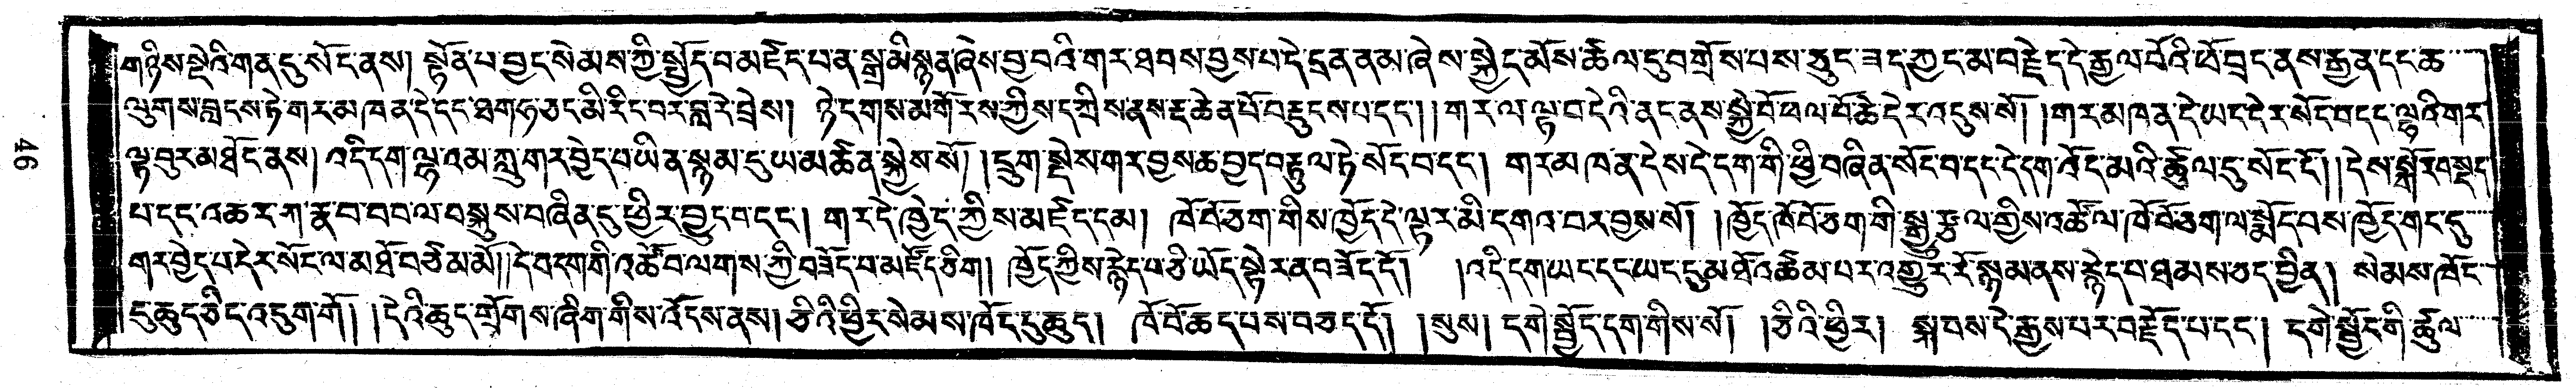གཉིས་སྡེའི་གན་དུ་སོང་ནས། སྟོན་པ་བྱང་སེམས་ཀྱི་སྤྱོད་པ་མཛད་པ་ན་སྒྲ་མི་སྙན་ཞེས་བྱ་བའི་གར་ཐབས་བྱས་པ་དེ་དྲན་ནམ་ཞེས་སྐྱེད་མོས་ཚལ་དུ་བགྲོས་པས་ཅུང་ཟད་ཀྱང་མ་བརྗེད་དེ་རྒྱལ་པོའི་ཕོ་བྲང་ནས་རྒྱན་དང་ཆ་
ལུགས་བླངས་ཏེ་གར་མཁན་དེ་དང་ཐག་ཧ་ཅང་མི་རིང་བར་བླ་རེ་བྲེས། ཉེ་དགས་མགོ་རས་ཀྱིས་དཀྲིས་ནས་རྔ་ཆེན་པོ་བརྡུངས་པ་དང་། །གར་ལ་ལྟ་བ་དེའི་ནང་ནས་སྐྱེ་བོ་ཕལ་པོ་ཆེ་དེར་འདུས་སོ། །གར་མཁན་དེ་ཡང་དེར་སོང་བ་དང་ལྷའི་གར་
ལྟ་བུར་མཐོང་ནས། འདི་དག་ལྷའམ་ཀླུ་གར་བྱེད་པ་ཡིན་སྙམ་དུ་ཡ་མཚན་སྐྱེས་སོ། །དྲུག་སྡེས་གར་བྱས་ཆ་བྱད་བརྟུལ་ཏེ་སོང་བ་དང་། གར་མཁན་དེས་དེ་དག་གི་ཕྱི་བཞིན་སོང་བ་དང་དེ་དག་འོད་མའི་ཚུལ་དུ་སོང་ངོ། །དེས་སྒོར་བསྡད་
པ་དང་འཆར་ཀ་རྣ་བ་བབ་ལ་བསྐུས་བཞིན་དུ་ཕྱིར་བྱུང་བ་དང་། གར་དེ་ཁྱེད་ཀྱིས་མཛད་དམ། ཁོ་བོ་ཅག་གིས་ཁྱོད་དེ་ལྟར་མི་དགའ་བར་བྱས་སོ། །ཁྱོད་ཁོ་བོ་ཅག་གི་སྒྱུ་རྩལ་གྱིས་འཚོལ་ཁོ་བོ་ཅག་ལ་སྨོད་པས་ཁྱོད་གང་དུ་
གར་བྱེད་པ་དེར་སོང་ལ་མཐོ་བཙམ་མོ། །དེ་བདག་གི་འཚོ་བ་ལགས་ཀྱི་བཟོད་པ་མཛོད་ཅིག། ཁྱོད་ཀྱིས་རྙེད་པ་ཅི་ཡོད་སྟེར་ན་བཟོད་དོ། །འདི་དག་ཡང་དང་ཡང་དུ་མཐོ་འཚམ་པར་འགྱུར་རོ་སྙམ་ནས་རྙེད་པ་ཐམས་ཅད་བྱིན། སེམས་ཁོང་
དུ་ཆུད་ཅིང་འདུག་གོ། །དེའི་ཆུད་གྲོགས་ཞིག་གིས་འོངས་ནས། ཅིའི་ཕྱིར་སེམས་ཁོང་དུ་ཆུད། ཁོ་བོ་ཆད་པས་བཅད་དོ། །སུས། དགེ་སྤྱོད་དག་གིས་སོ། །ཅིའི་ཕྱིར། སྐབས་དེ་རྒྱས་པར་བརྗོད་པ་དང་། དགེ་སྦྱོང་གི་ཚུལ་